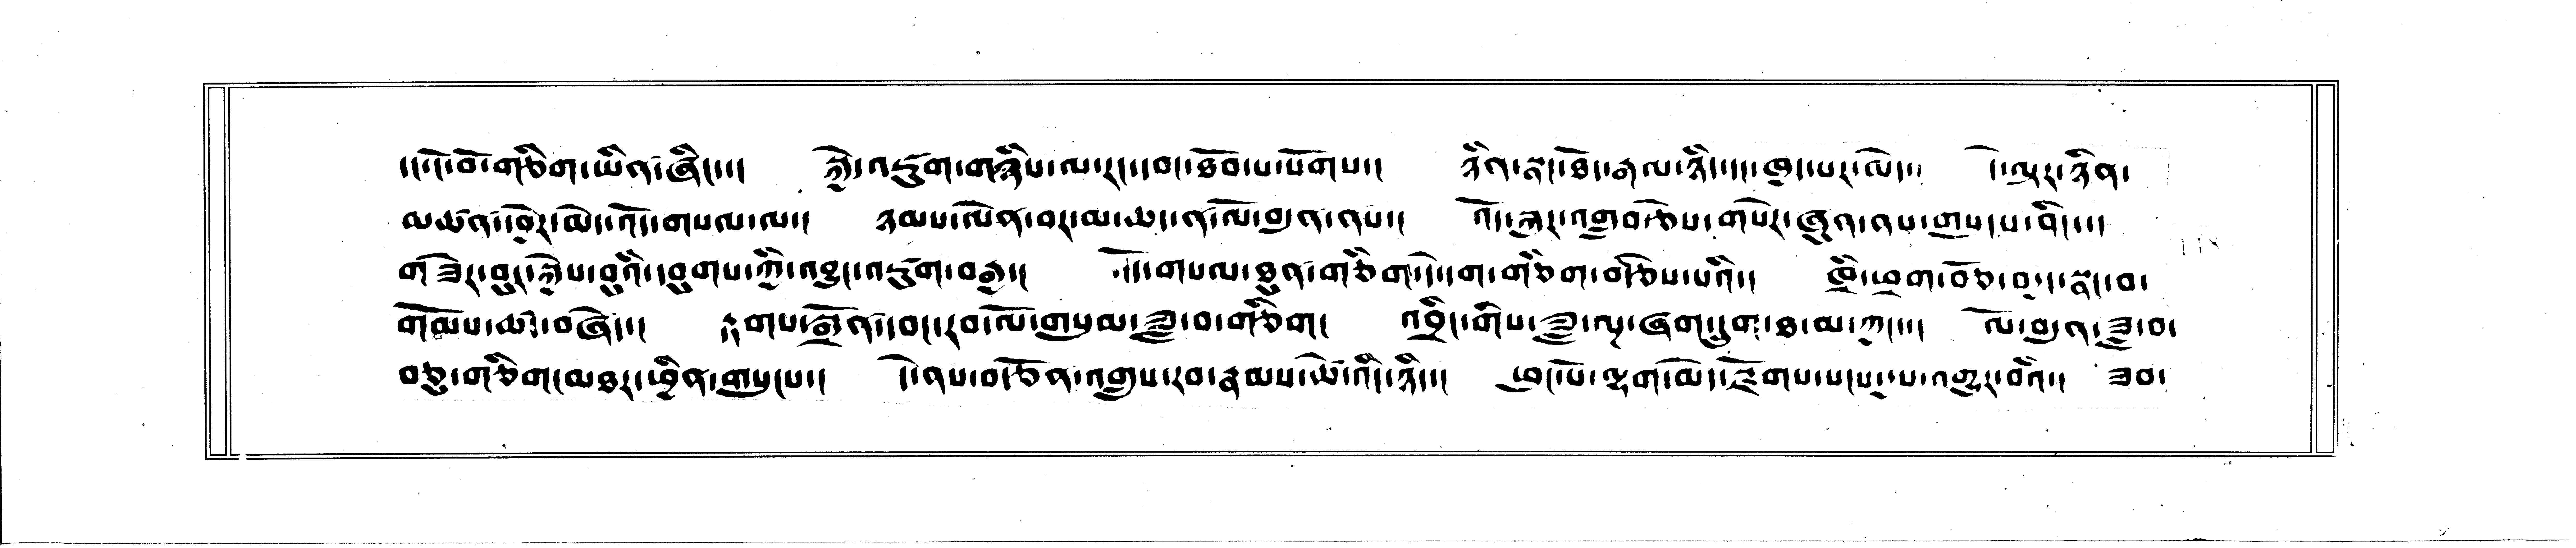དང་ངོ་བོ་གཅིག་ཡིན་ཞིང་། །སྐྱེ་འཇུག་གཉིས་ལ་རང་དབང་ཐོབ་པ་སོགས། །ཉིན་སྣང་ཐོད་རྒལ་ཉིད་དང་ཁྱད་པར་མེད། །དེ་ལྟར་ཉིན་
མཚན་དབྱེར་མེད་འོད་གསལ་ལ། །ཉམས་ལེན་བར་མ་ཆད་ན་ལོ་བདུན་ནས། །འོད་སྐུར་འགྲུབ་ཅེས་གསེར་ཞུན་ནས་གསུངས་ཤིང་། །
གཟེར་བུར་སྐྱེས་བུའི་དབུགས་ཀྱི་འབྱུང་འཇུག་བརྒྱ། །འོད་གསལ་ཐུན་གཅིག་དེ་དག་གཅིག་བརྩིས་པའི། །ཁྲི་ཁྲག་བཅོ་བརྒྱད་སྣང་བ་
གོམས་ཚད་བཞེད། །རྟགས་སྒྲོན་དབང་རབ་ལོ་གསུམ་ཟླ་བ་གཅིག །འབྲིང་གིས་ཟླ་ལྔ་ཞག་དྲུག་ཐ་མ་ཀྱང་། །ལོ་བདུན་ཟླ་བ་
བཅུག་གཅིག་མཐར་ཕྱིན་གསུངས། །དེ་ནས་བརྩོན་འགྲུས་རབ་རྣམས་ཚེ་འདི་ཉིད། །ཕུང་པོ་ལྷག་མེད་རྫོགས་སངས་རྒྱས་འགྱུར་བའི། །ཟབ་